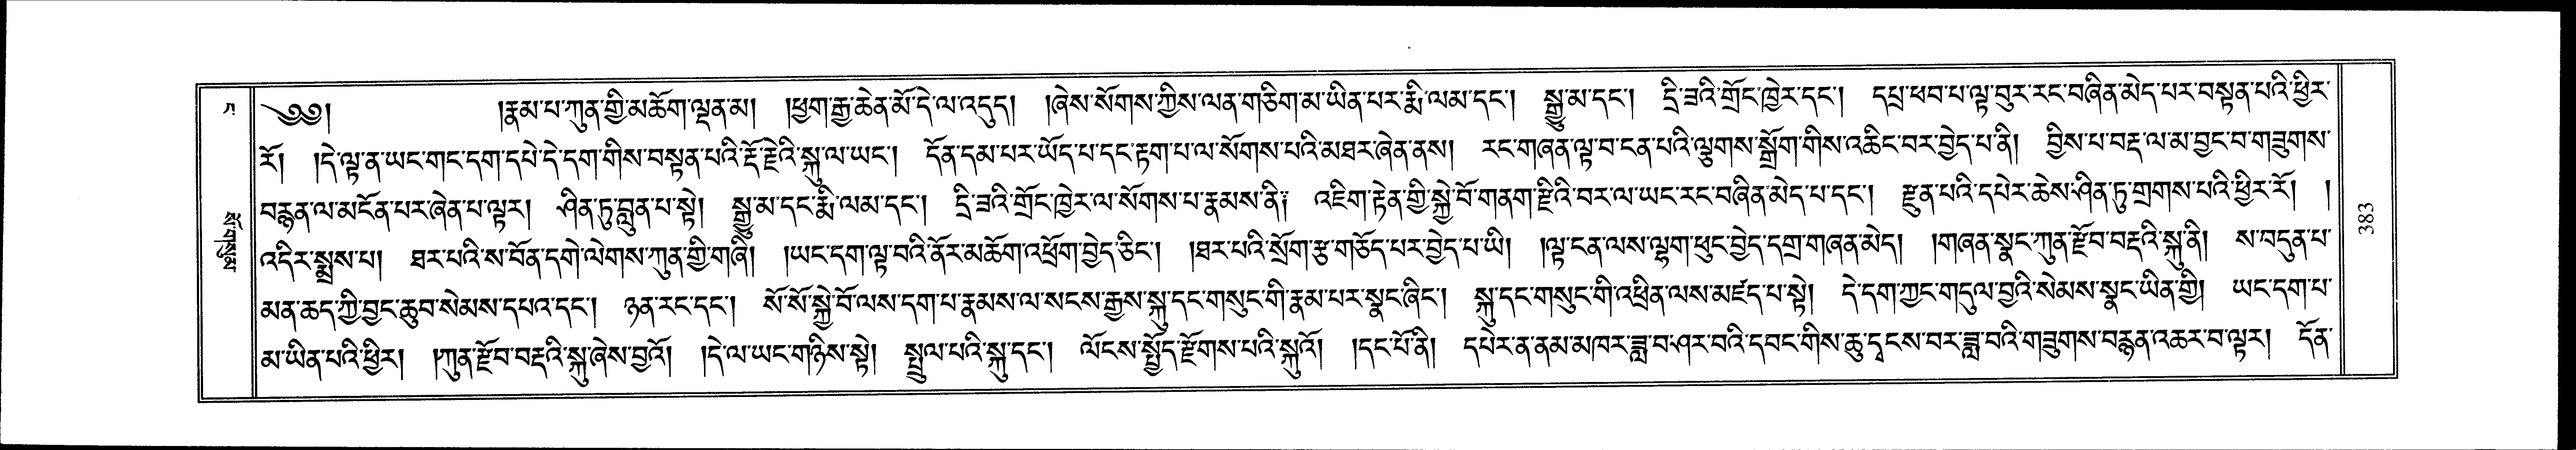༄༅། །རྣམ་པ་ཀུན་གྱི་མཆོག་ལྡན་མ། །ཕྱག་རྒྱ་ཆེན་མོ་དེ་ལ་འདུད། །ཞེས་སོགས་ཀྱིས་ལན་གཅིག་མ་ཡིན་པར་རྨི་ལམ་དང་། སྒྱུ་མ་དང་། དྲི་ཟའི་གྲོང་ཁྱེར་དང་། དཔྲ་ཕབ་པ་ལྟ་བུར་རང་བཞིན་མེད་པར་བསྟན་པའི་ཕྱིར་
རོ། །དེ་ལྟ་ན་ཡང་གང་དག་དཔེ་དེ་དག་གིས་བསྟན་པའི་རྡོ་རྗེའི་སྐུ་ལ་ཡང་། དོན་དམ་པར་ཡོད་པ་དང་རྟག་པ་ལ་སོགས་པའི་མཐར་ཞེན་ནས། རང་གཞན་ལྟ་བ་ངན་པའི་ལྕགས་སྒྲོག་གིས་འཆིང་བར་བྱེད་པ་ནི། བྱིས་པ་བརྡ་ལ་མ་བྱང་བ་གཟུགས་
བརྙན་ལ་མངོན་པར་ཞེན་པ་ལྟར། ཤིན་ཏུ་བླུན་པ་སྟེ། སྒྱུ་མ་དང་རྨི་ལམ་དང་། དྲི་ཟའི་གྲོང་ཁྱེར་ལ་སོགས་པ་རྣམས་ནི། འཇིག་རྟེན་གྱི་སྐྱེ་བོ་གནག་རྫིའི་བར་ལ་ཡང་རང་བཞིན་མེད་པ་དང་། རྫུན་པའི་དཔེར་ཆེས་ཤིན་ཏུ་གྲགས་པའི་ཕྱིར་རོ། །
འདིར་སྨྲས་པ། ཐར་པའི་ས་བོན་དགེ་ལེགས་ཀུན་གྱི་གཞི། །ཡང་དག་ལྟ་བའི་ནོར་མཆོག་འཕྲོག་བྱེད་ཅིང་། །ཐར་པའི་སྲོག་རྩ་གཅོད་པར་བྱེད་པ་ཡི། །ལྟ་ངན་ལས་ལྷག་ཕུང་བྱེད་དགྲ་གཞན་མེད། །གཞན་སྣང་ཀུན་རྫོབ་བརྡའི་སྐུ་ནི། ས་བདུན་པ་
མན་ཆད་ཀྱི་བྱང་ཆུབ་སེམས་དཔའ་དང་། ཉན་རང་དང་། སོ་སོ་སྐྱེ་བོ་ལས་དག་པ་རྣམས་ལ་སངས་རྒྱས་སྐུ་དང་གསུང་གི་རྣམ་པར་སྣང་ཞིང་། སྐུ་དང་གསུང་གི་འཕྲིན་ལས་མཛད་པ་སྟེ། དེ་དག་ཀྱང་གདུལ་བྱའི་སེམས་སྣང་ཡིན་གྱི། ཡང་དག་པ་
མ་ཡིན་པའི་ཕྱིར། །ཀུན་རྫོབ་བརྡའི་སྐུ་ཞེས་བྱའོ། །དེ་ལ་ཡང་གཉིས་སྟེ། སྤྲུལ་པའི་སྐུ་དང་། ལོངས་སྤྱོད་རྫོགས་པའི་སྐུའོ། །དང་པོ་ནི། དཔེར་ན་ནམ་མཁར་ཟླ་བ་ཤར་བའི་དབང་གིས་ཆུ་དྭངས་བར་ཟླ་བའི་གཟུགས་བརྙན་འཆར་བ་ལྟར། དོན་